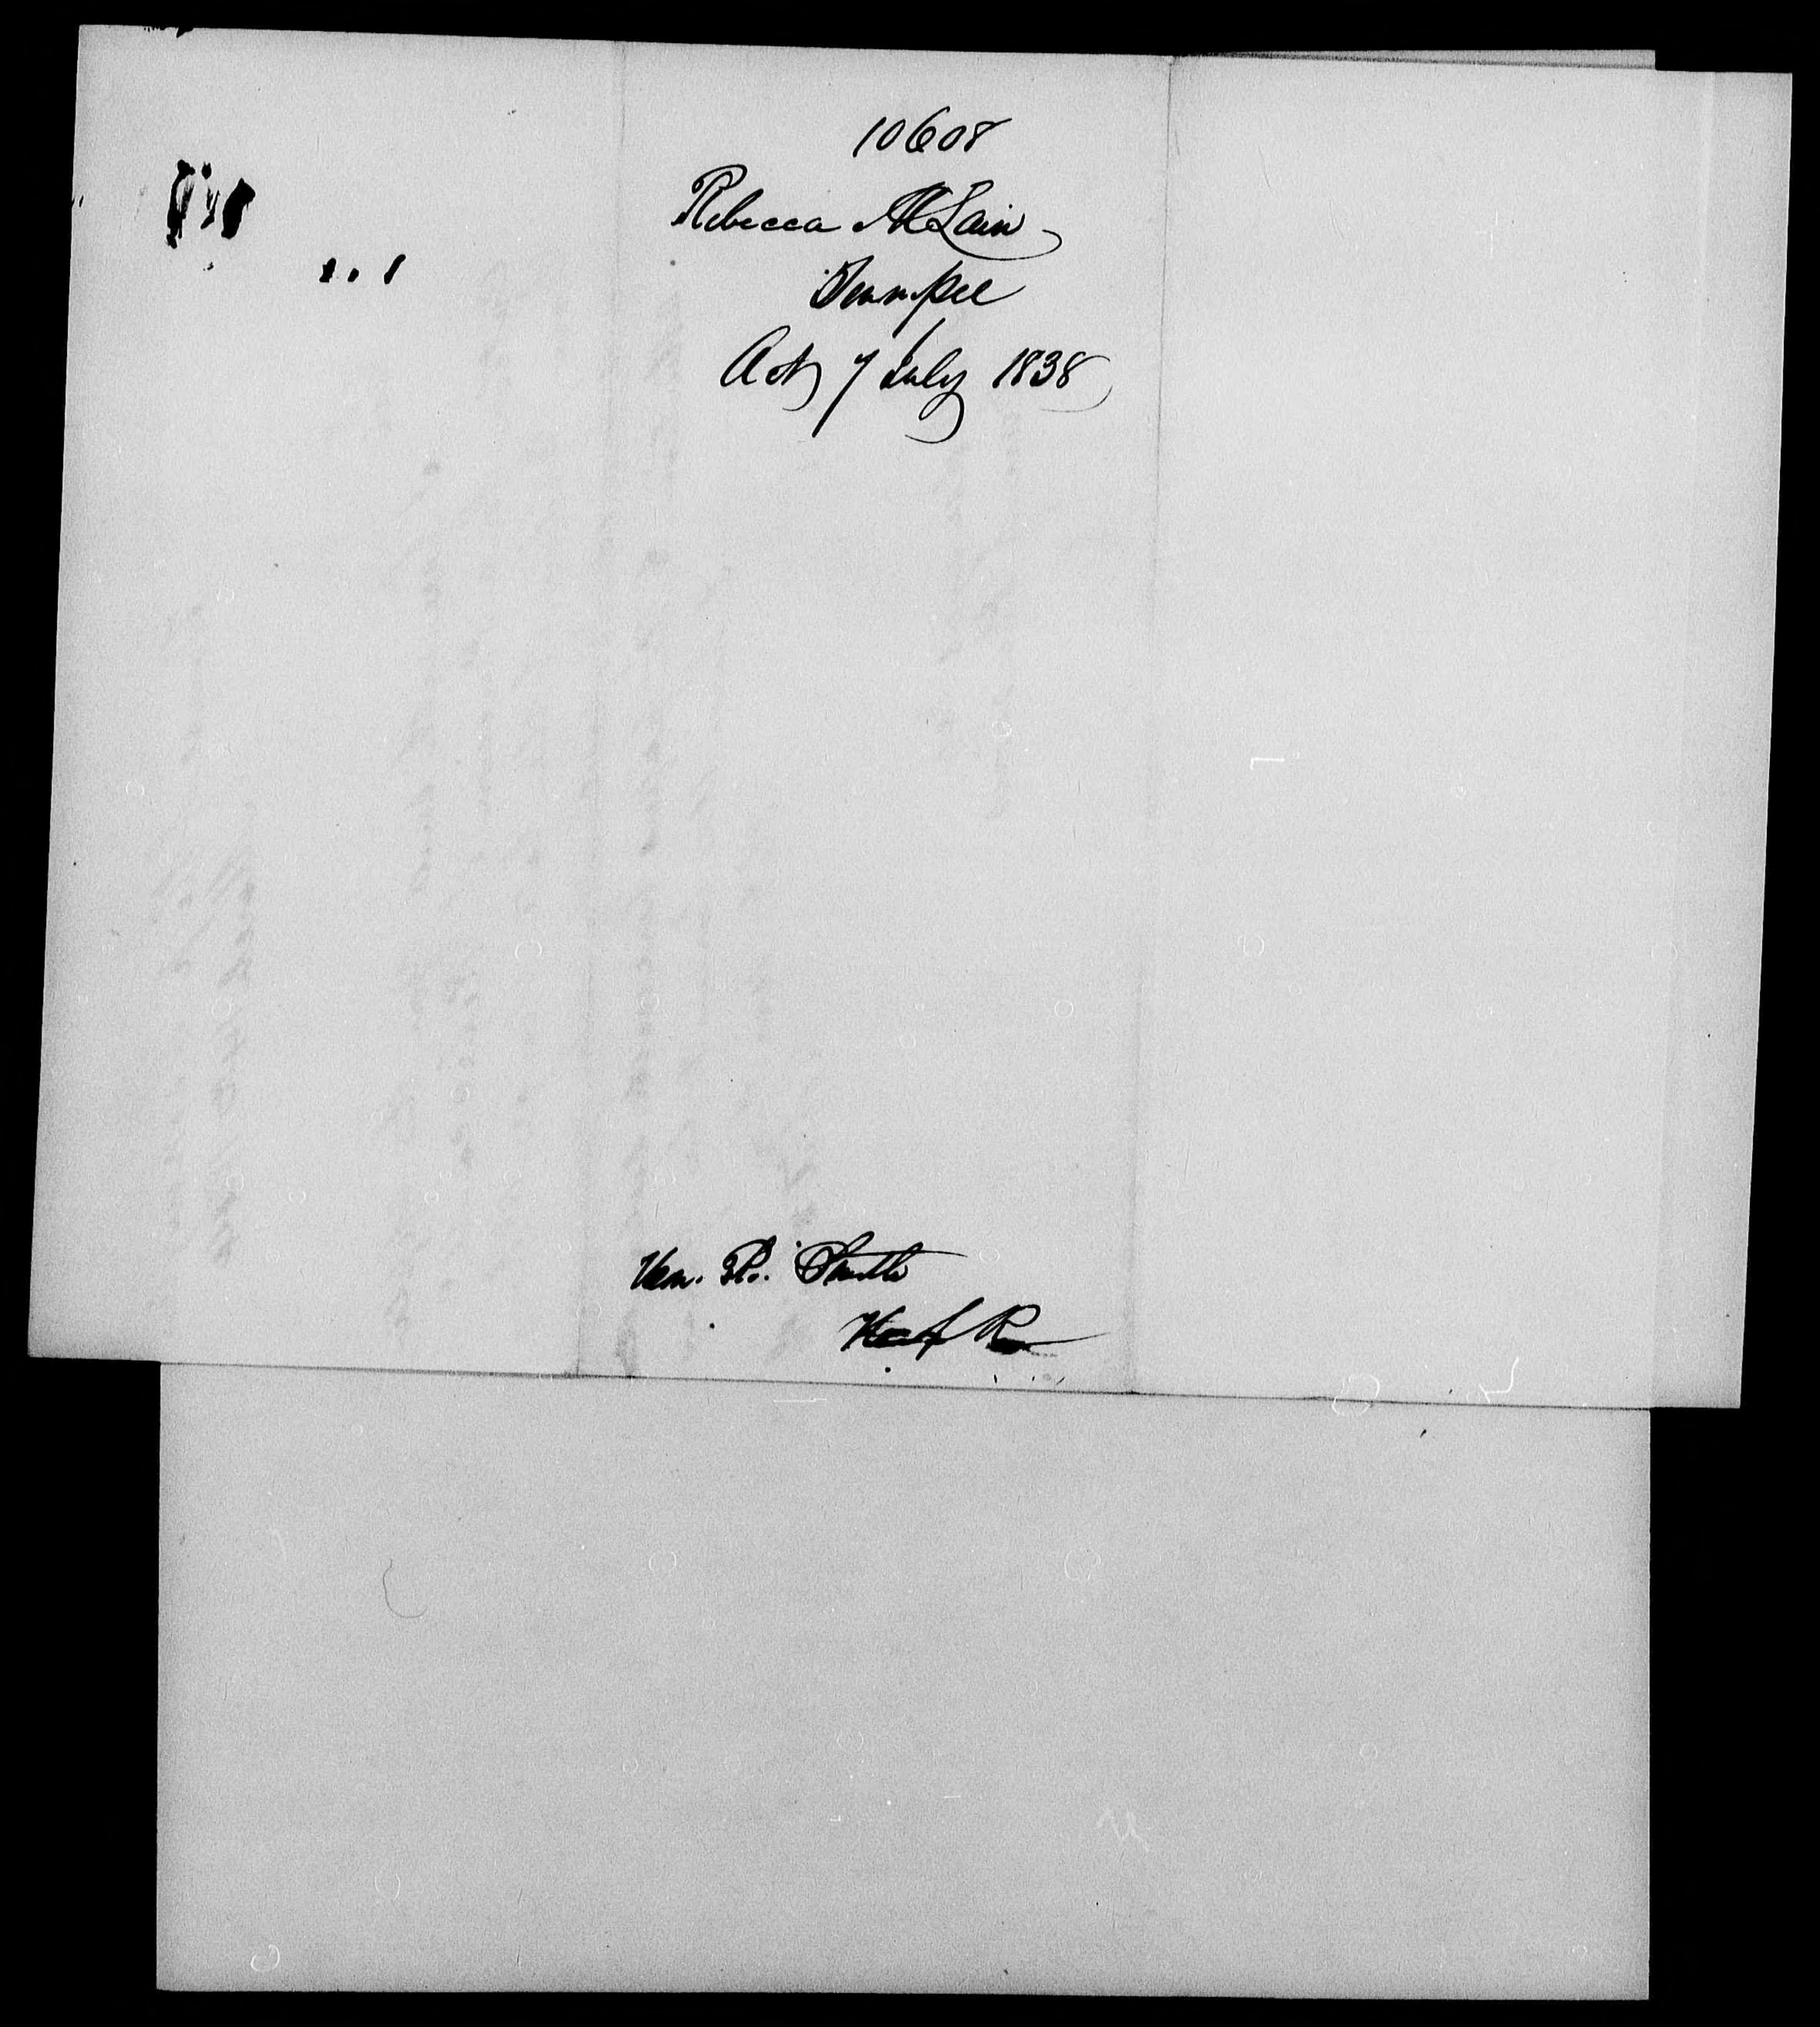10608
Rebecca McLain
Tennessee
Act 7 July 1838

Hon. R. Smith 
House Rep.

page: 36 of 67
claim: widow's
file: W. 21793, for George Mc Lain, North Carolina